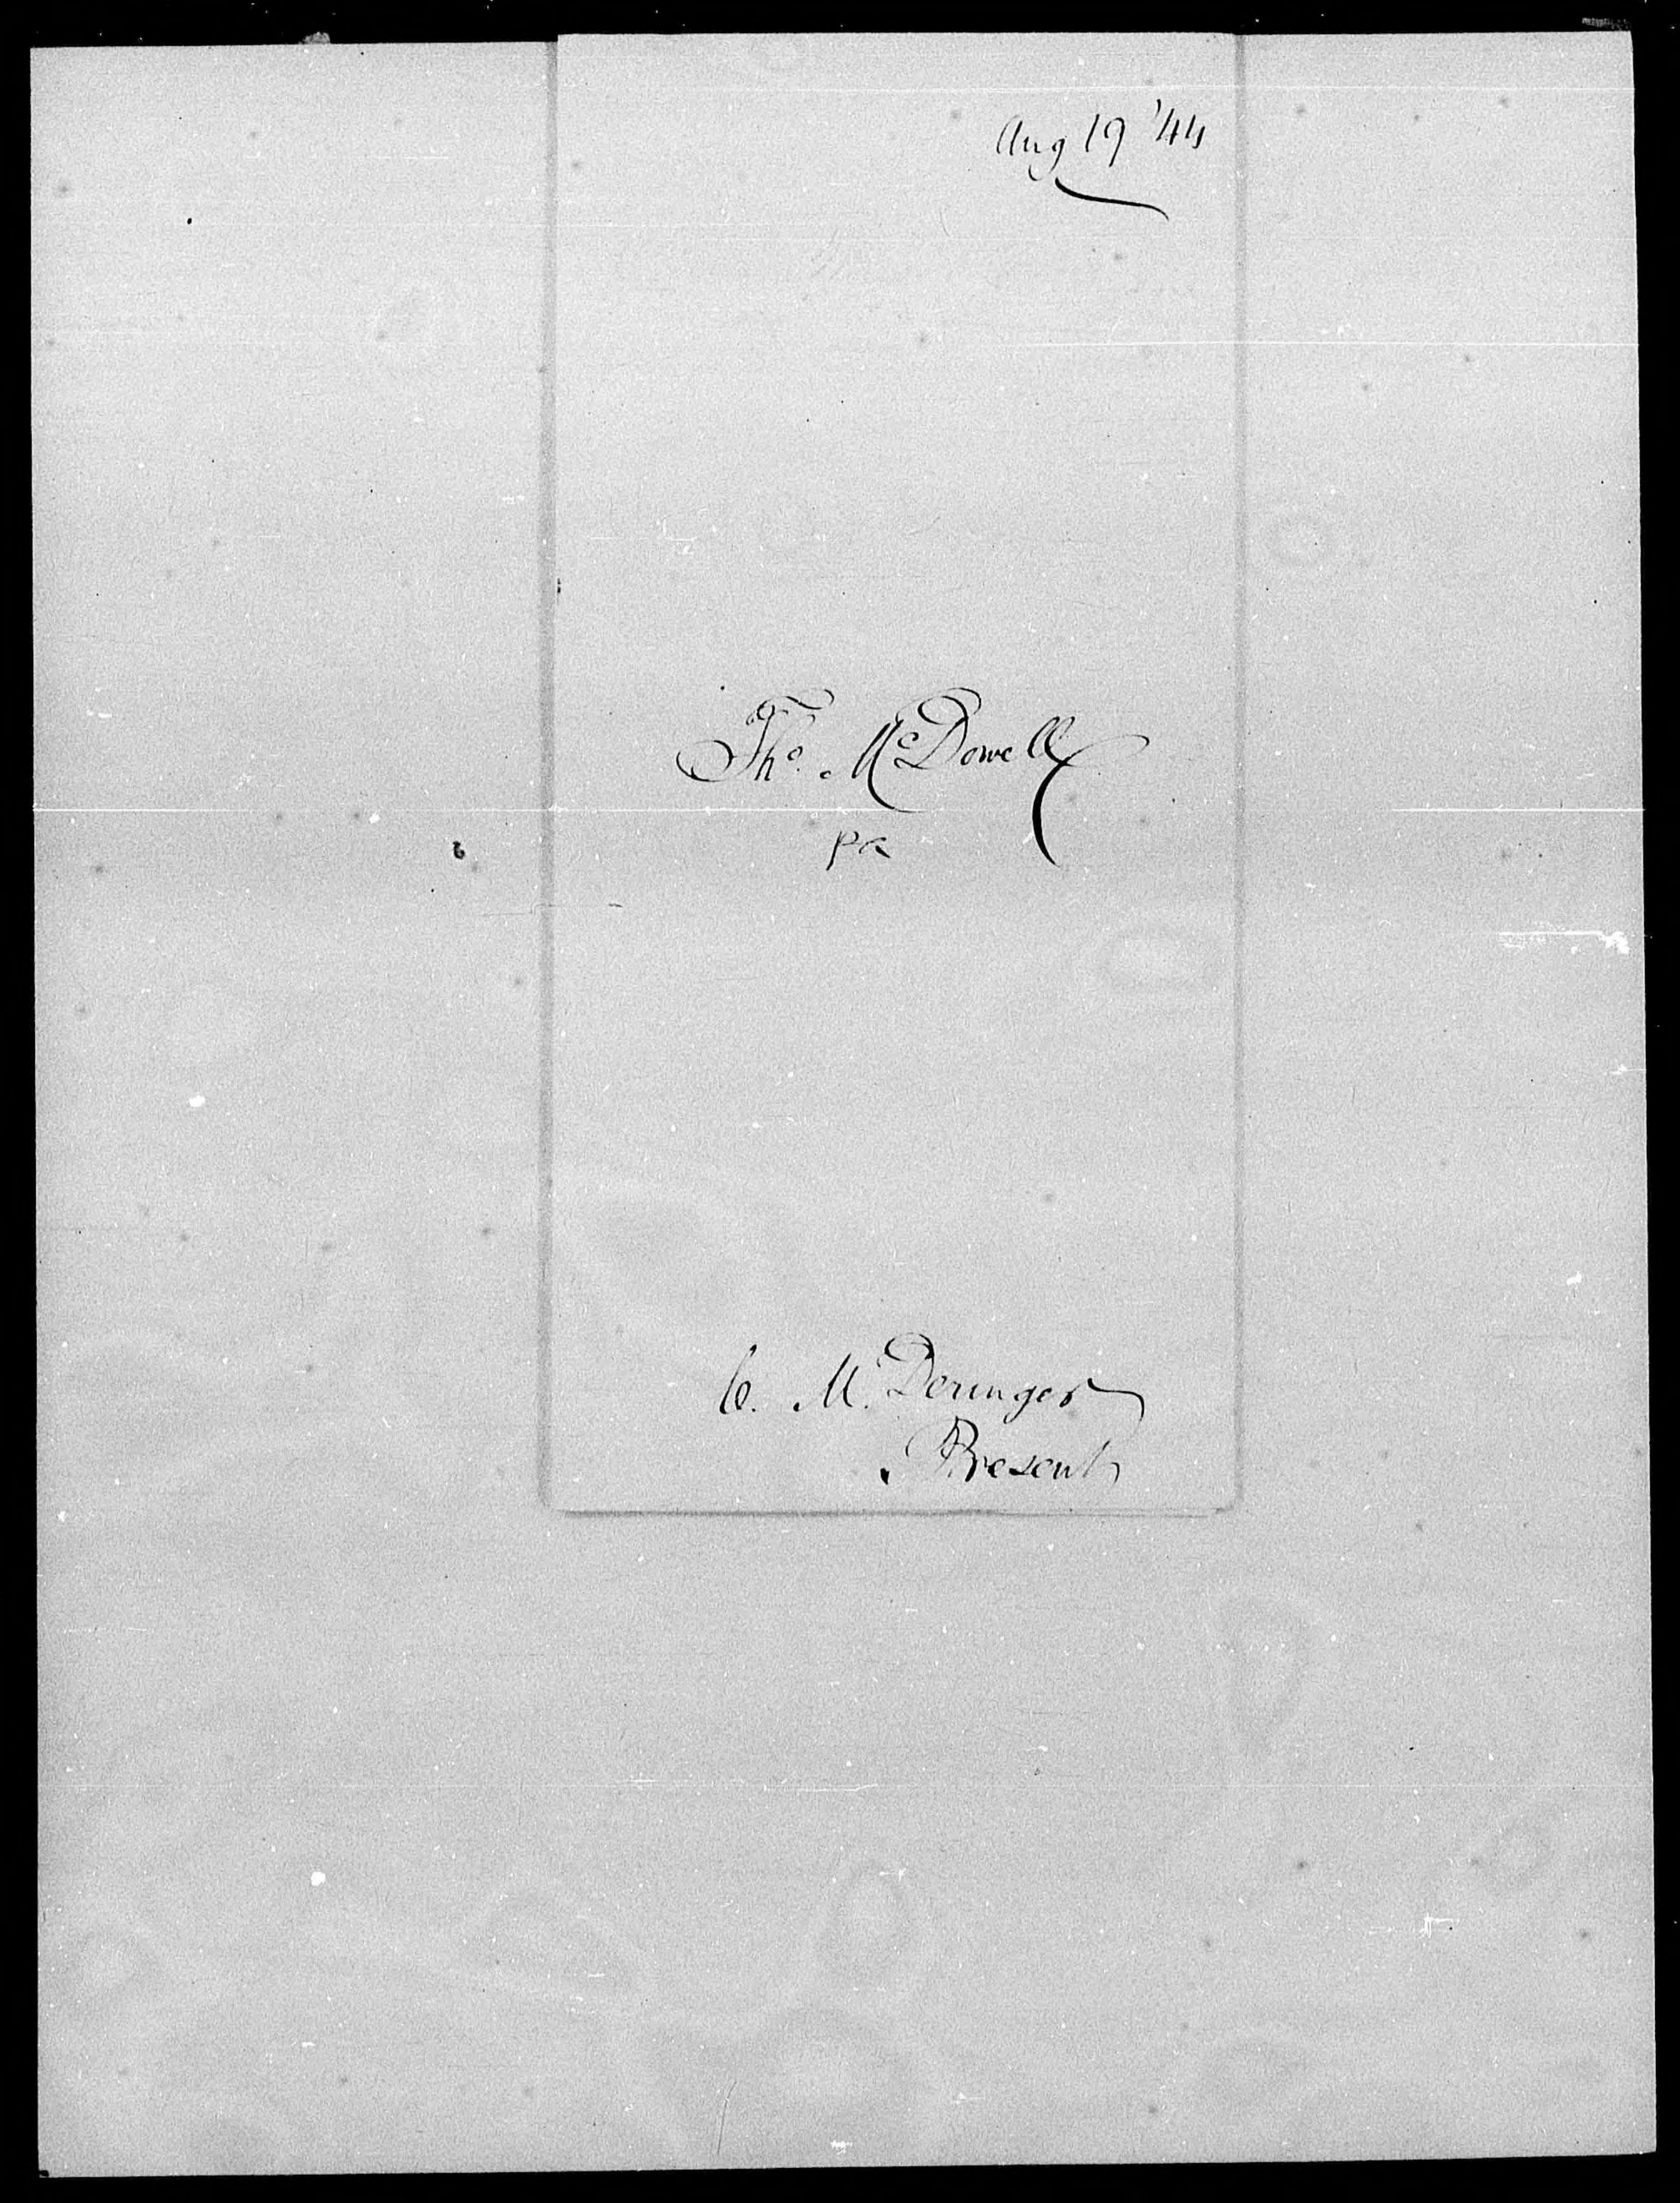Aug 19 '44

Tho. McDowell
Pa

C. M. Deringer
Present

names: C M Deringer; Tho Mc Dowell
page: 35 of 63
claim: widow's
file: W 2957, for Thomas Mc Dowell, Maryland